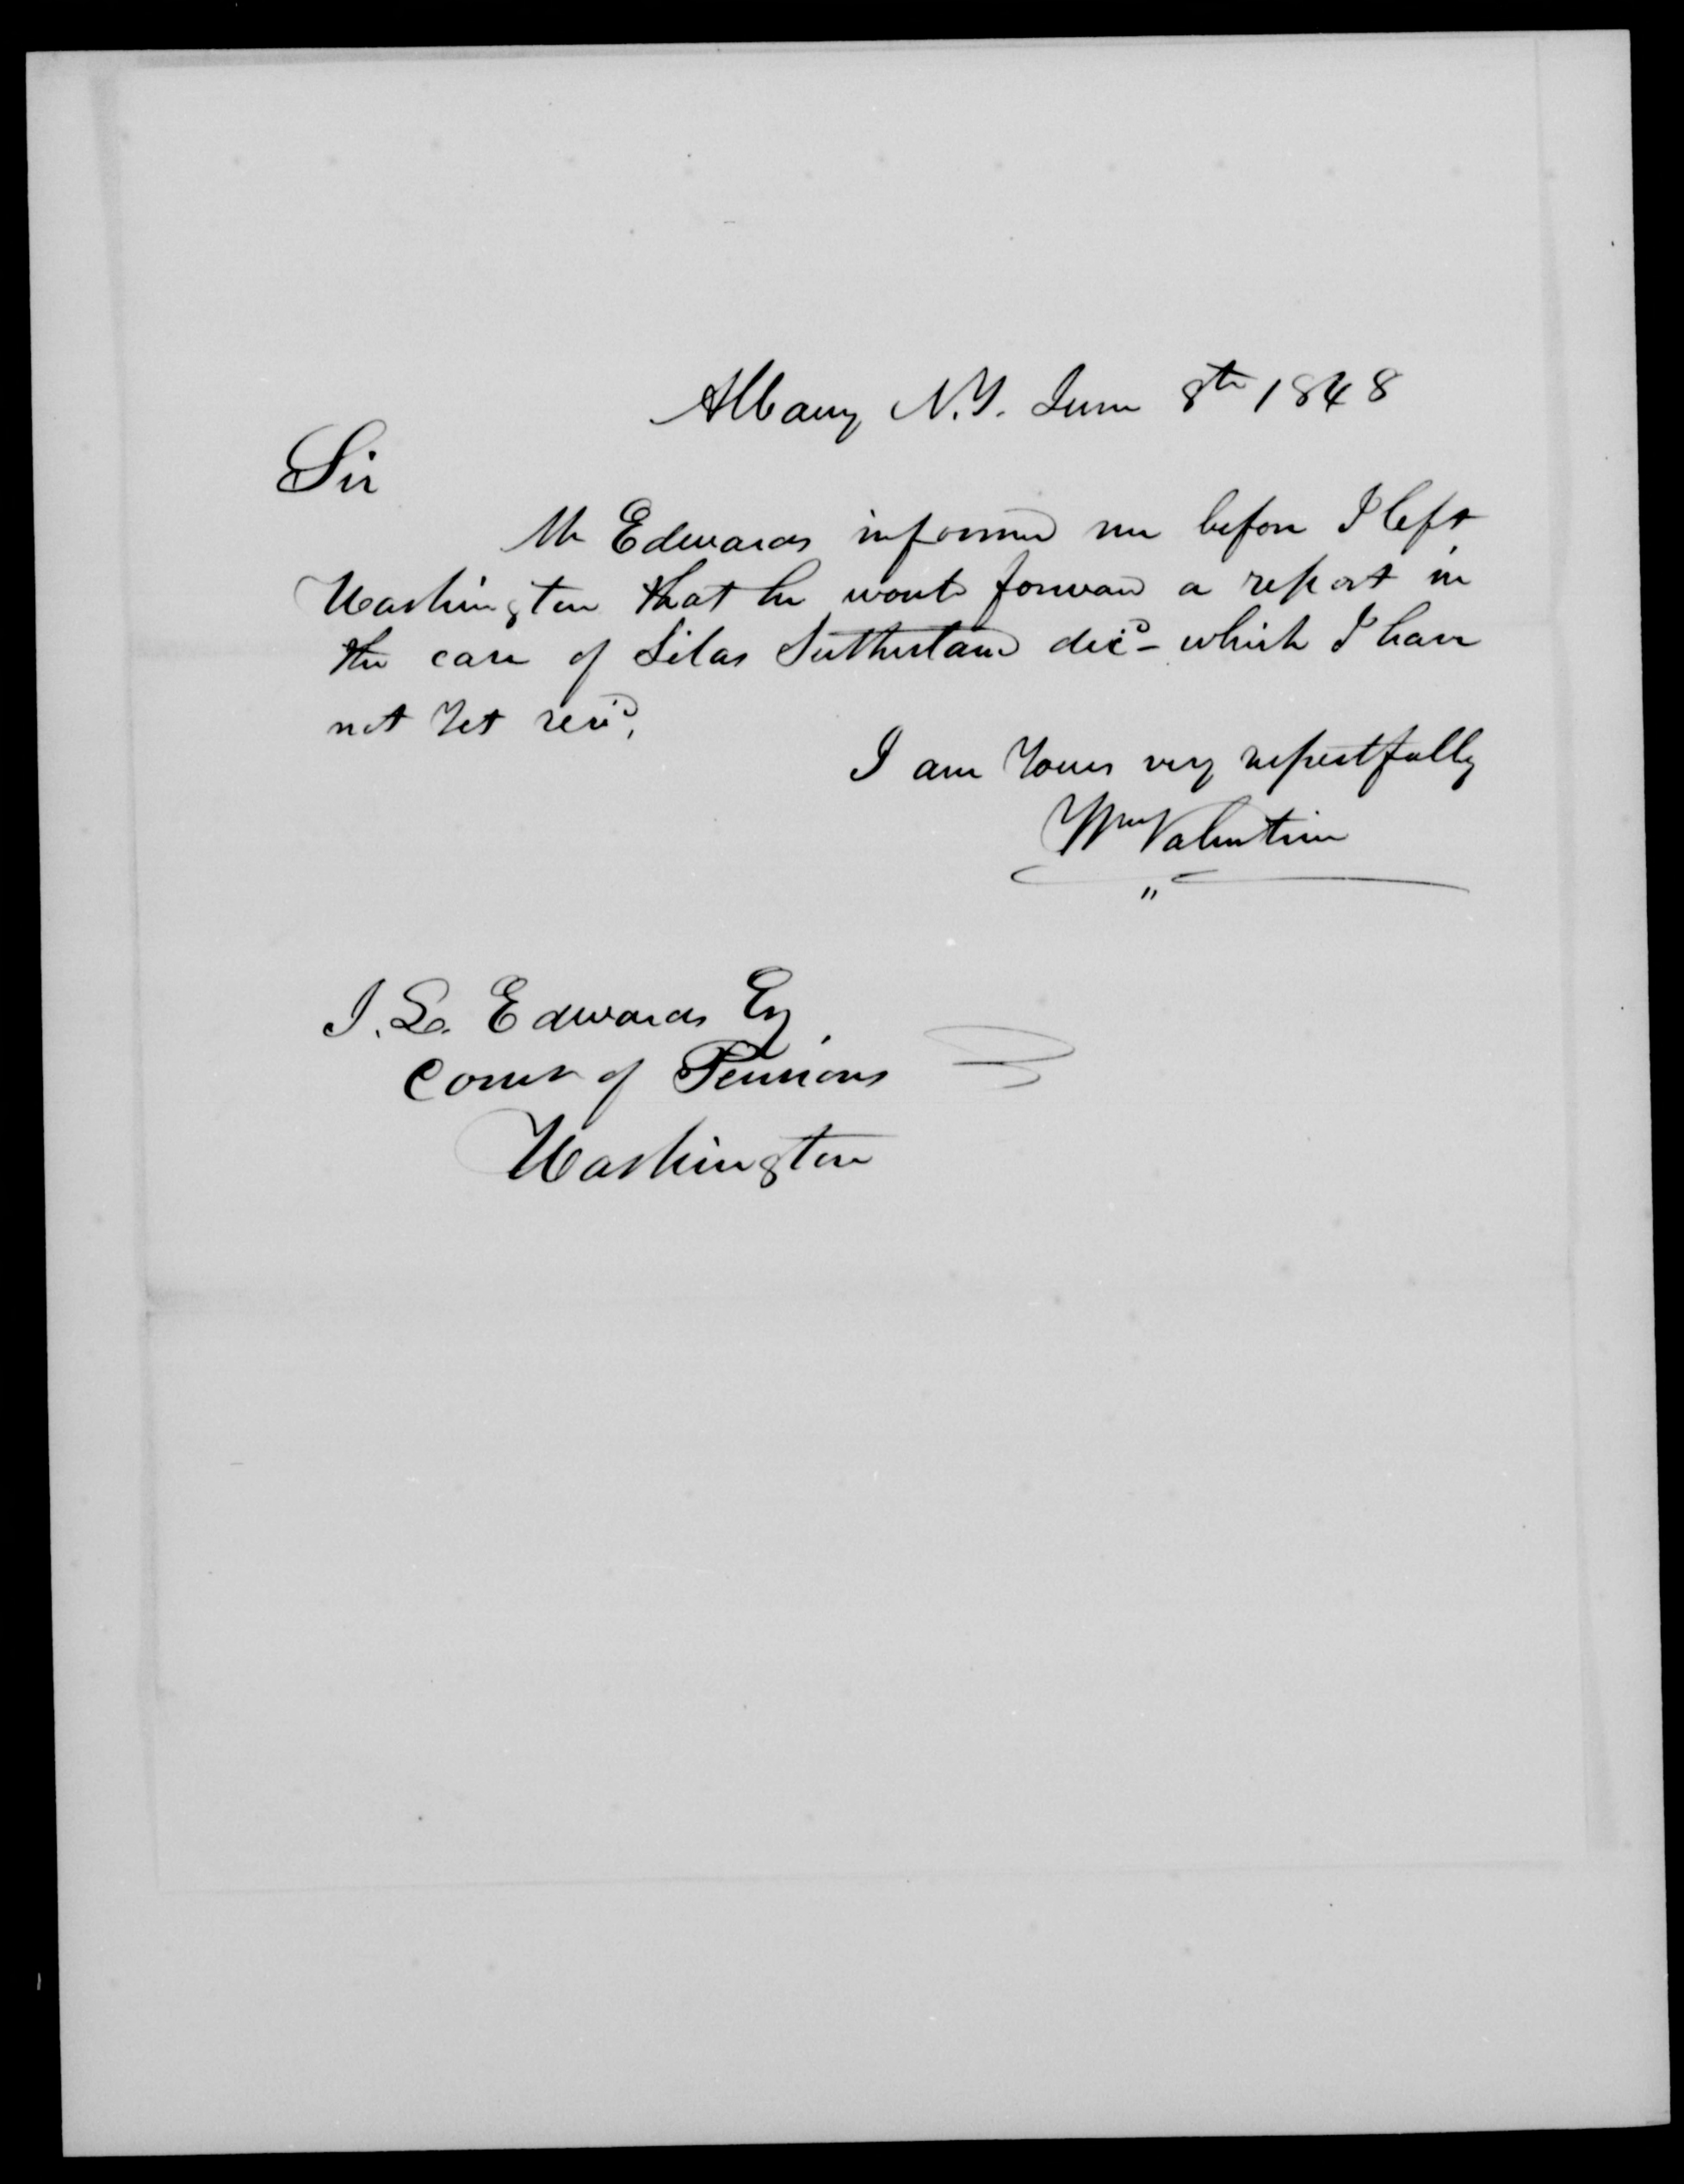Albany N.Y. June 8th 1848
Sir
Mr. Edwards informed me before I left Washington that he would forward a report in the case of Silas Sutherland decd. which I have not yet recd.
I am Yours very respectfully Wm. Valentine

J.L. Edwards Esq
Comm of Pensions
Washington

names: J L Edwards; [BLANK] Edwards; Wm Valentine; Silas Sutherland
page: 47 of 77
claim: survivor's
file: S. 23003, for Silas Southerland, New York